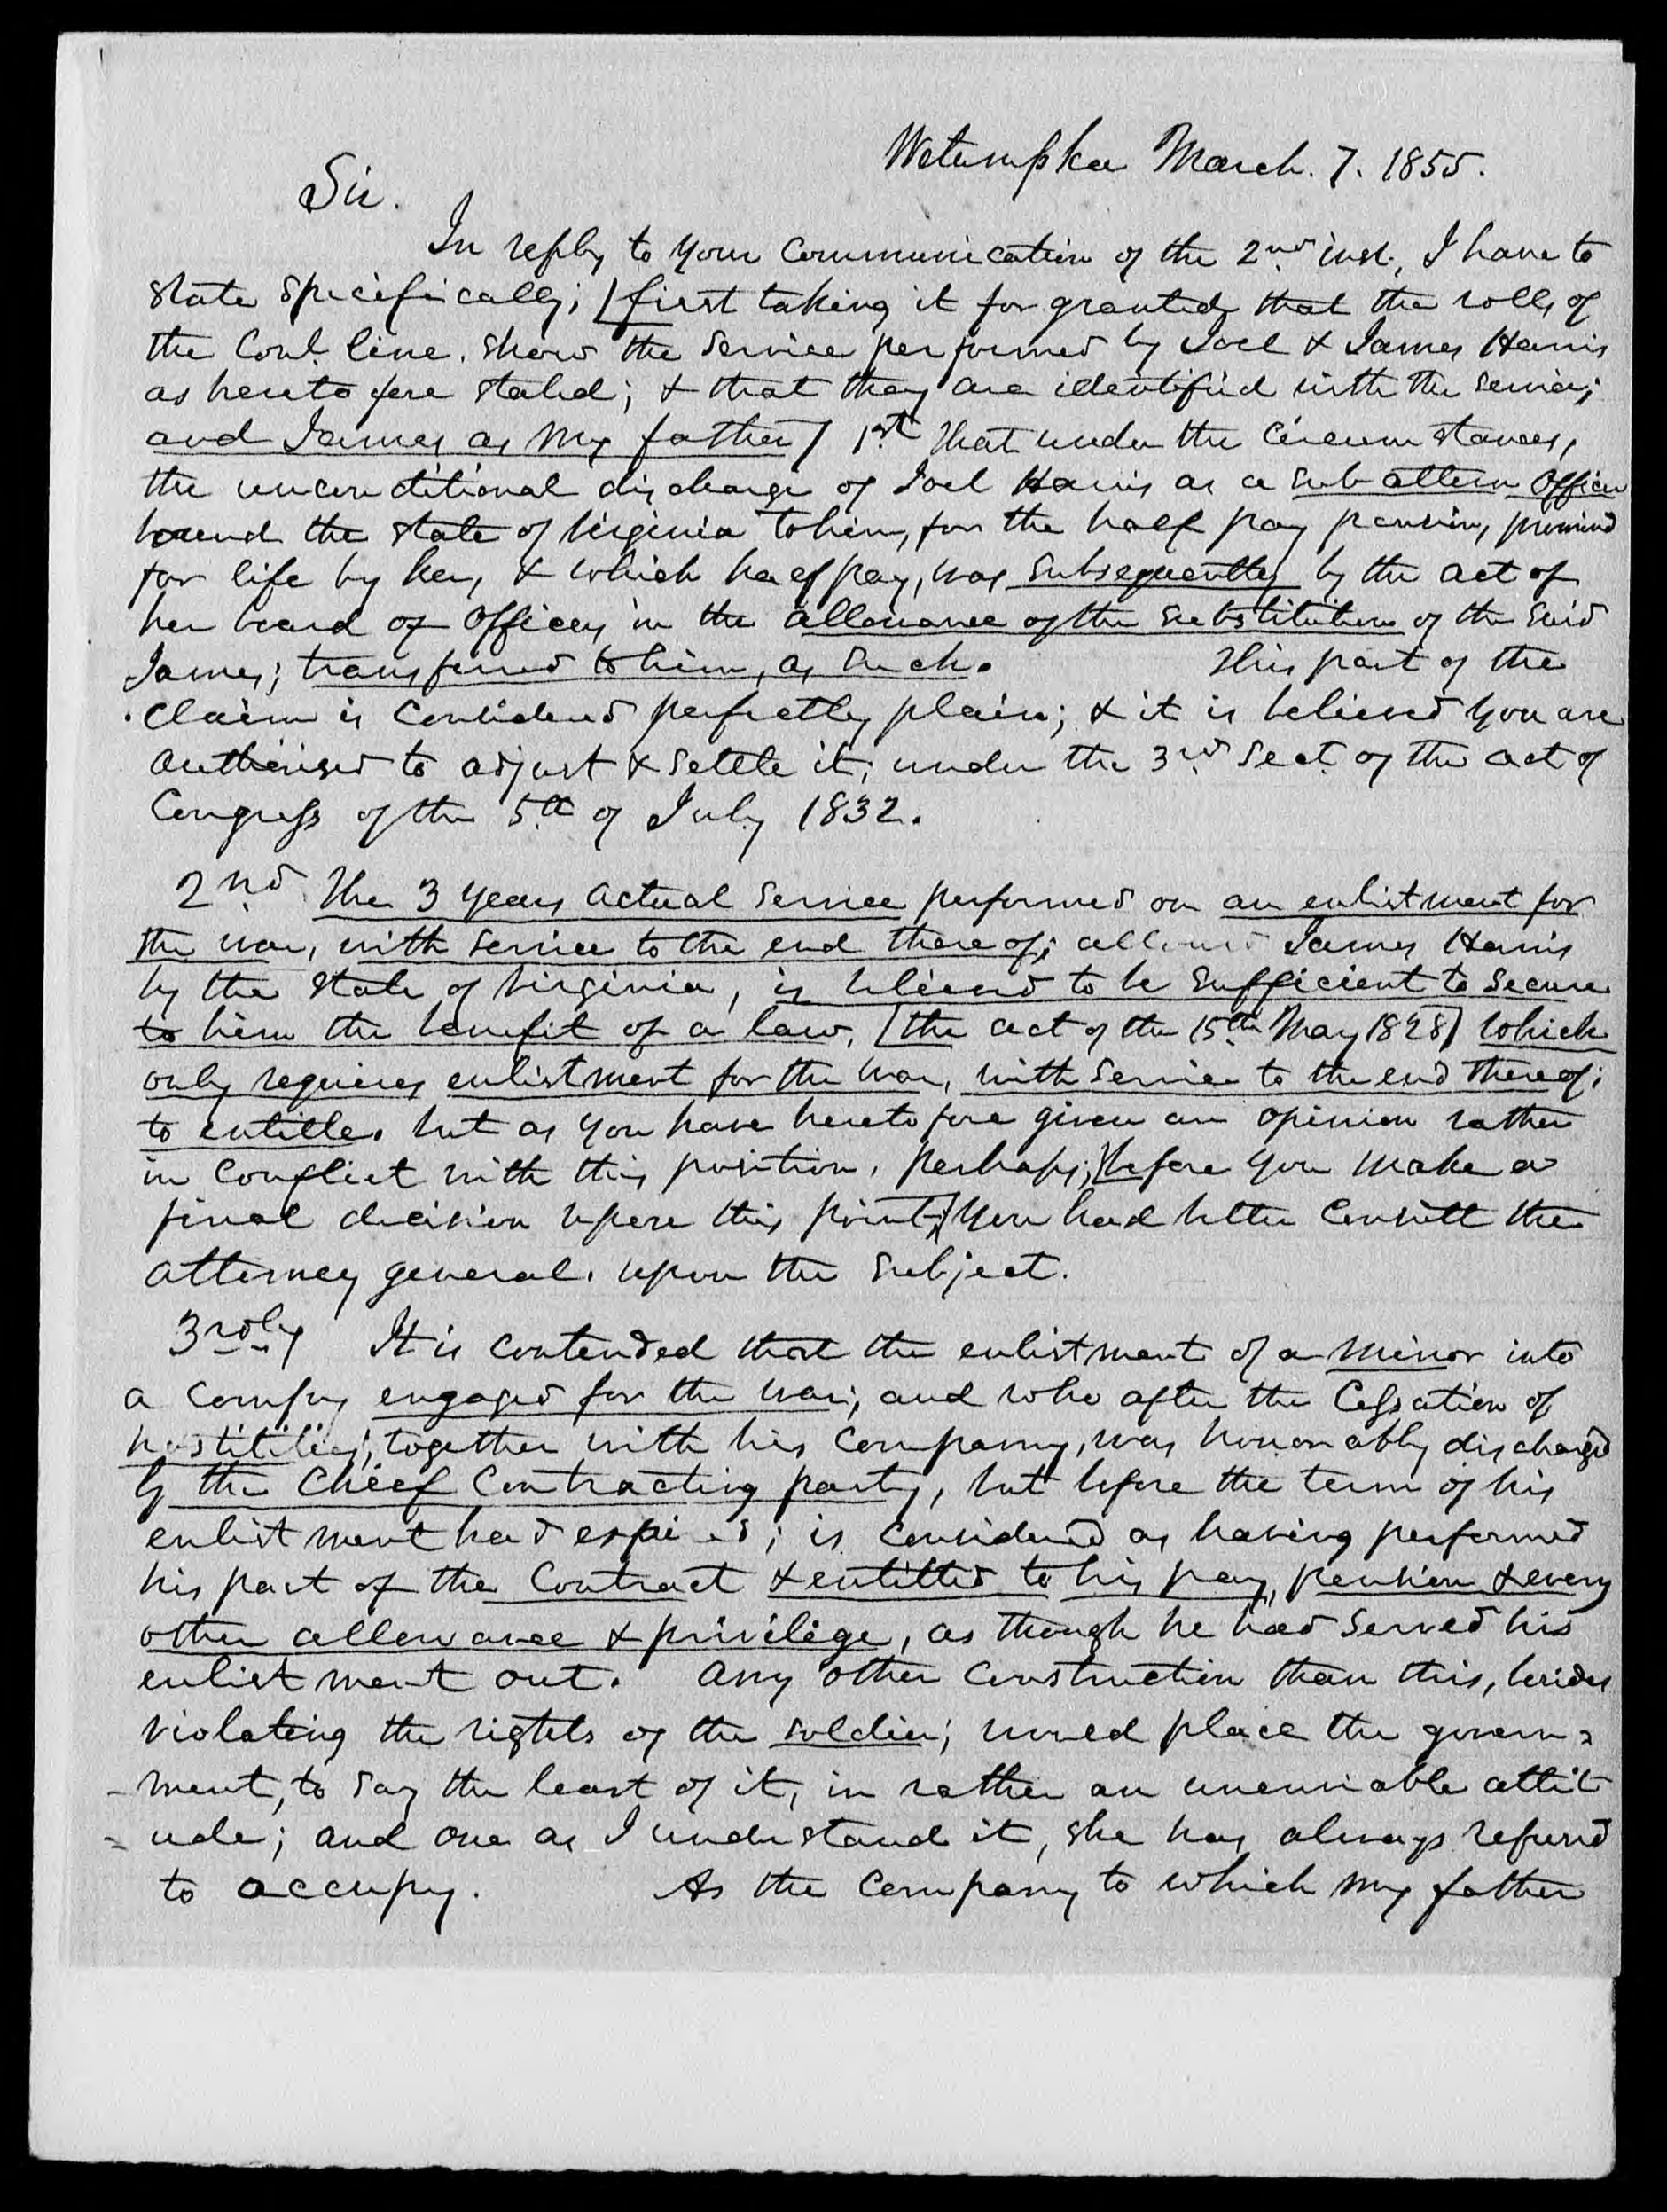Wetummpka March 7, 1855

Sir,
In reply to your communication of the 2nd inst, I have to state specifically, (first taking it for granted that the rolls of the Cont. line show the service performed by Joel & James Harris as heretofore stated, & that they are identified with the service and James as my father) 1st that under the circumstances, the unconditional discharge of Joel Harris as a subaltern officer bound the state of Virginia to him for the half pay pension promised for life by her, & which half pay was subsequently by the Act of  her board of officers in the allowance of the substitution of the said James, transferred to him as such.   This part of the claim is considered perfectly plain, & it is believed you are authorized to adjust & settle it, under the 3rd Sect of the act of Congress of the 5th of July 1832.
2nd. The 3 years actual service performed on an enlistment for the war, with service to the end thereof, allowed James Harris by the State of Virginia, is believed to be sufficient to secure to him the benefit of a law (the act of the 15th May 1828) which only requires enlistment for the war, with service to the end thereof, to entitle, but as you have heretofore given an opinion rather in conflict with this position, perhaps, (before you make a final decision before this point) you had better consult the Attorney General upon the subject.
3rdly  It is contended that the enlistment of a minor into a compy engaged for the war, and who after the cessation of hostilities, together with his company, was honorably discharged by the Chief Contracting party, but before the term of his enlistment had expired, is considered as having performed his part of the contract & entitled to his pay, pension & every other allowance & privilige {sic] as though he had served his enlistment out.  Any other construction than this, besides violating the rights of the soldier, would place the government to pay the least of it, in rather an unenviable attitude, and one as I understand it, she has always refused to occupy.    As the company to which my father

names: Joel Harris, James, Joel Harris, James Harris, James Harris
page: 76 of 160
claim: rejected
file: R. 4666, James Harris, Va.